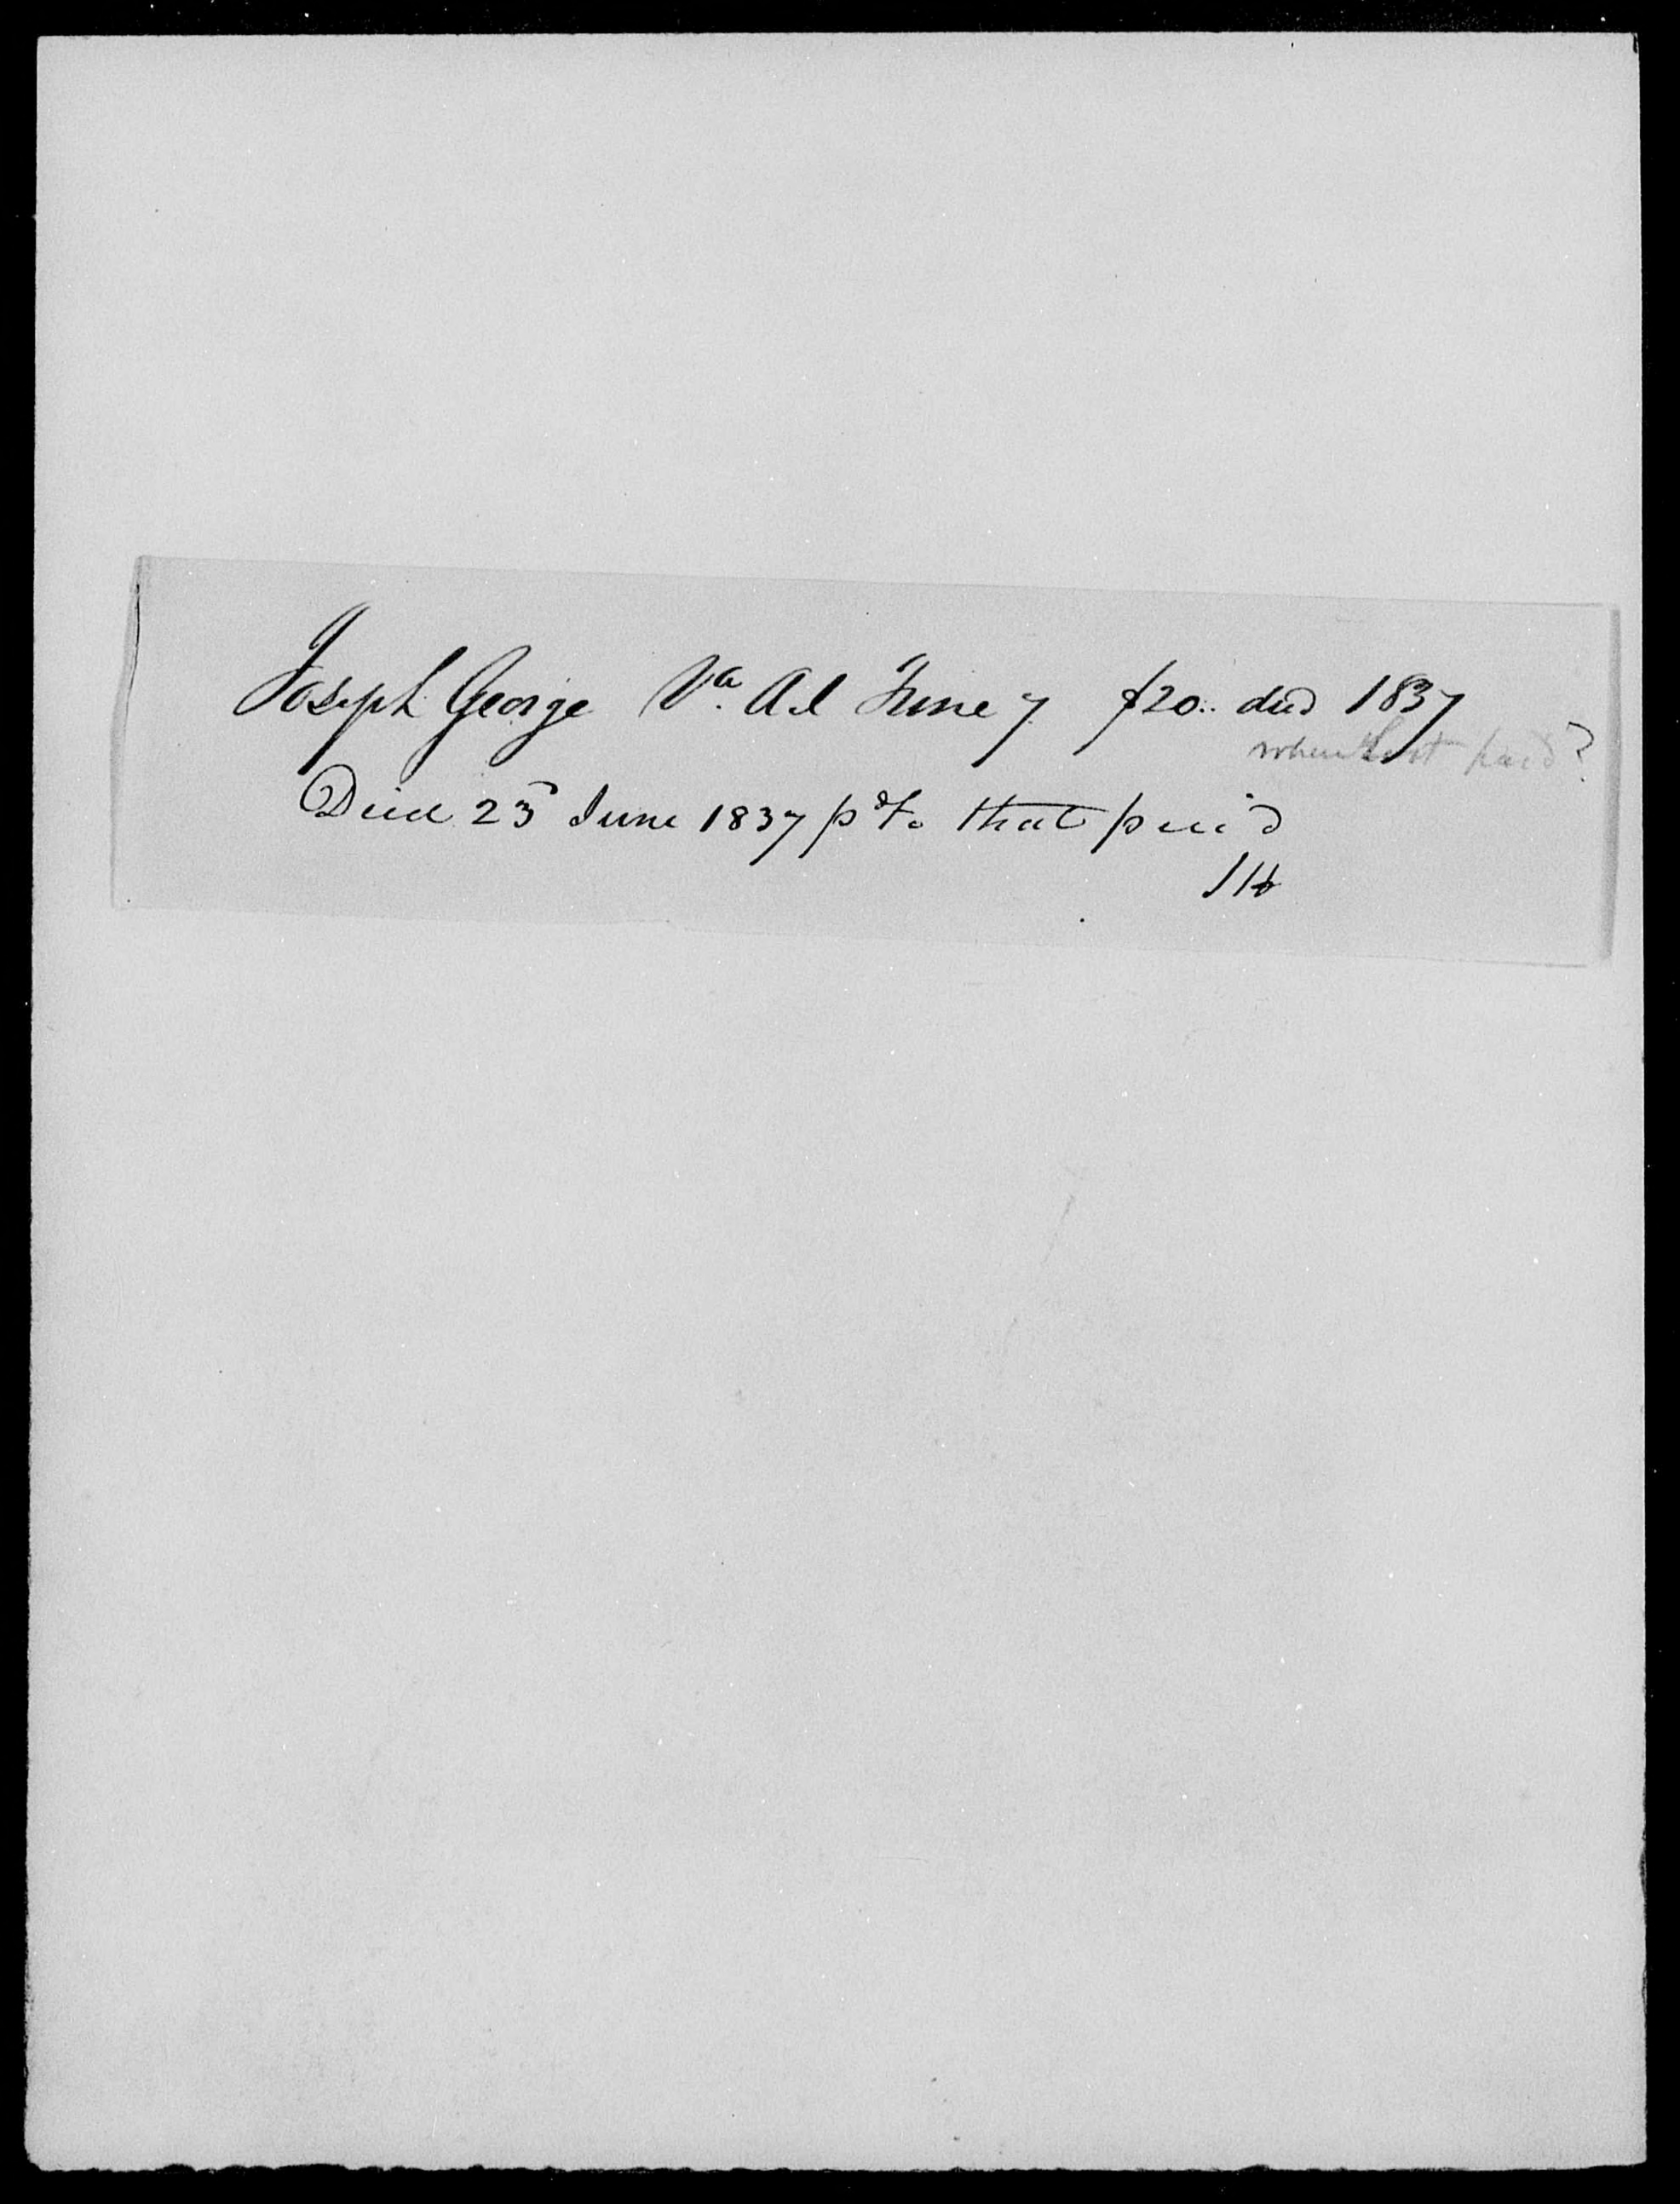Joseph George V(a) Al June $20 died 1837
(faint) when last paid? 
Died 23 June 1837 p(aid) to that period
JH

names: Joseph George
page: 15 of 18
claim: survivor's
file: S. 39568, David George, N.H.